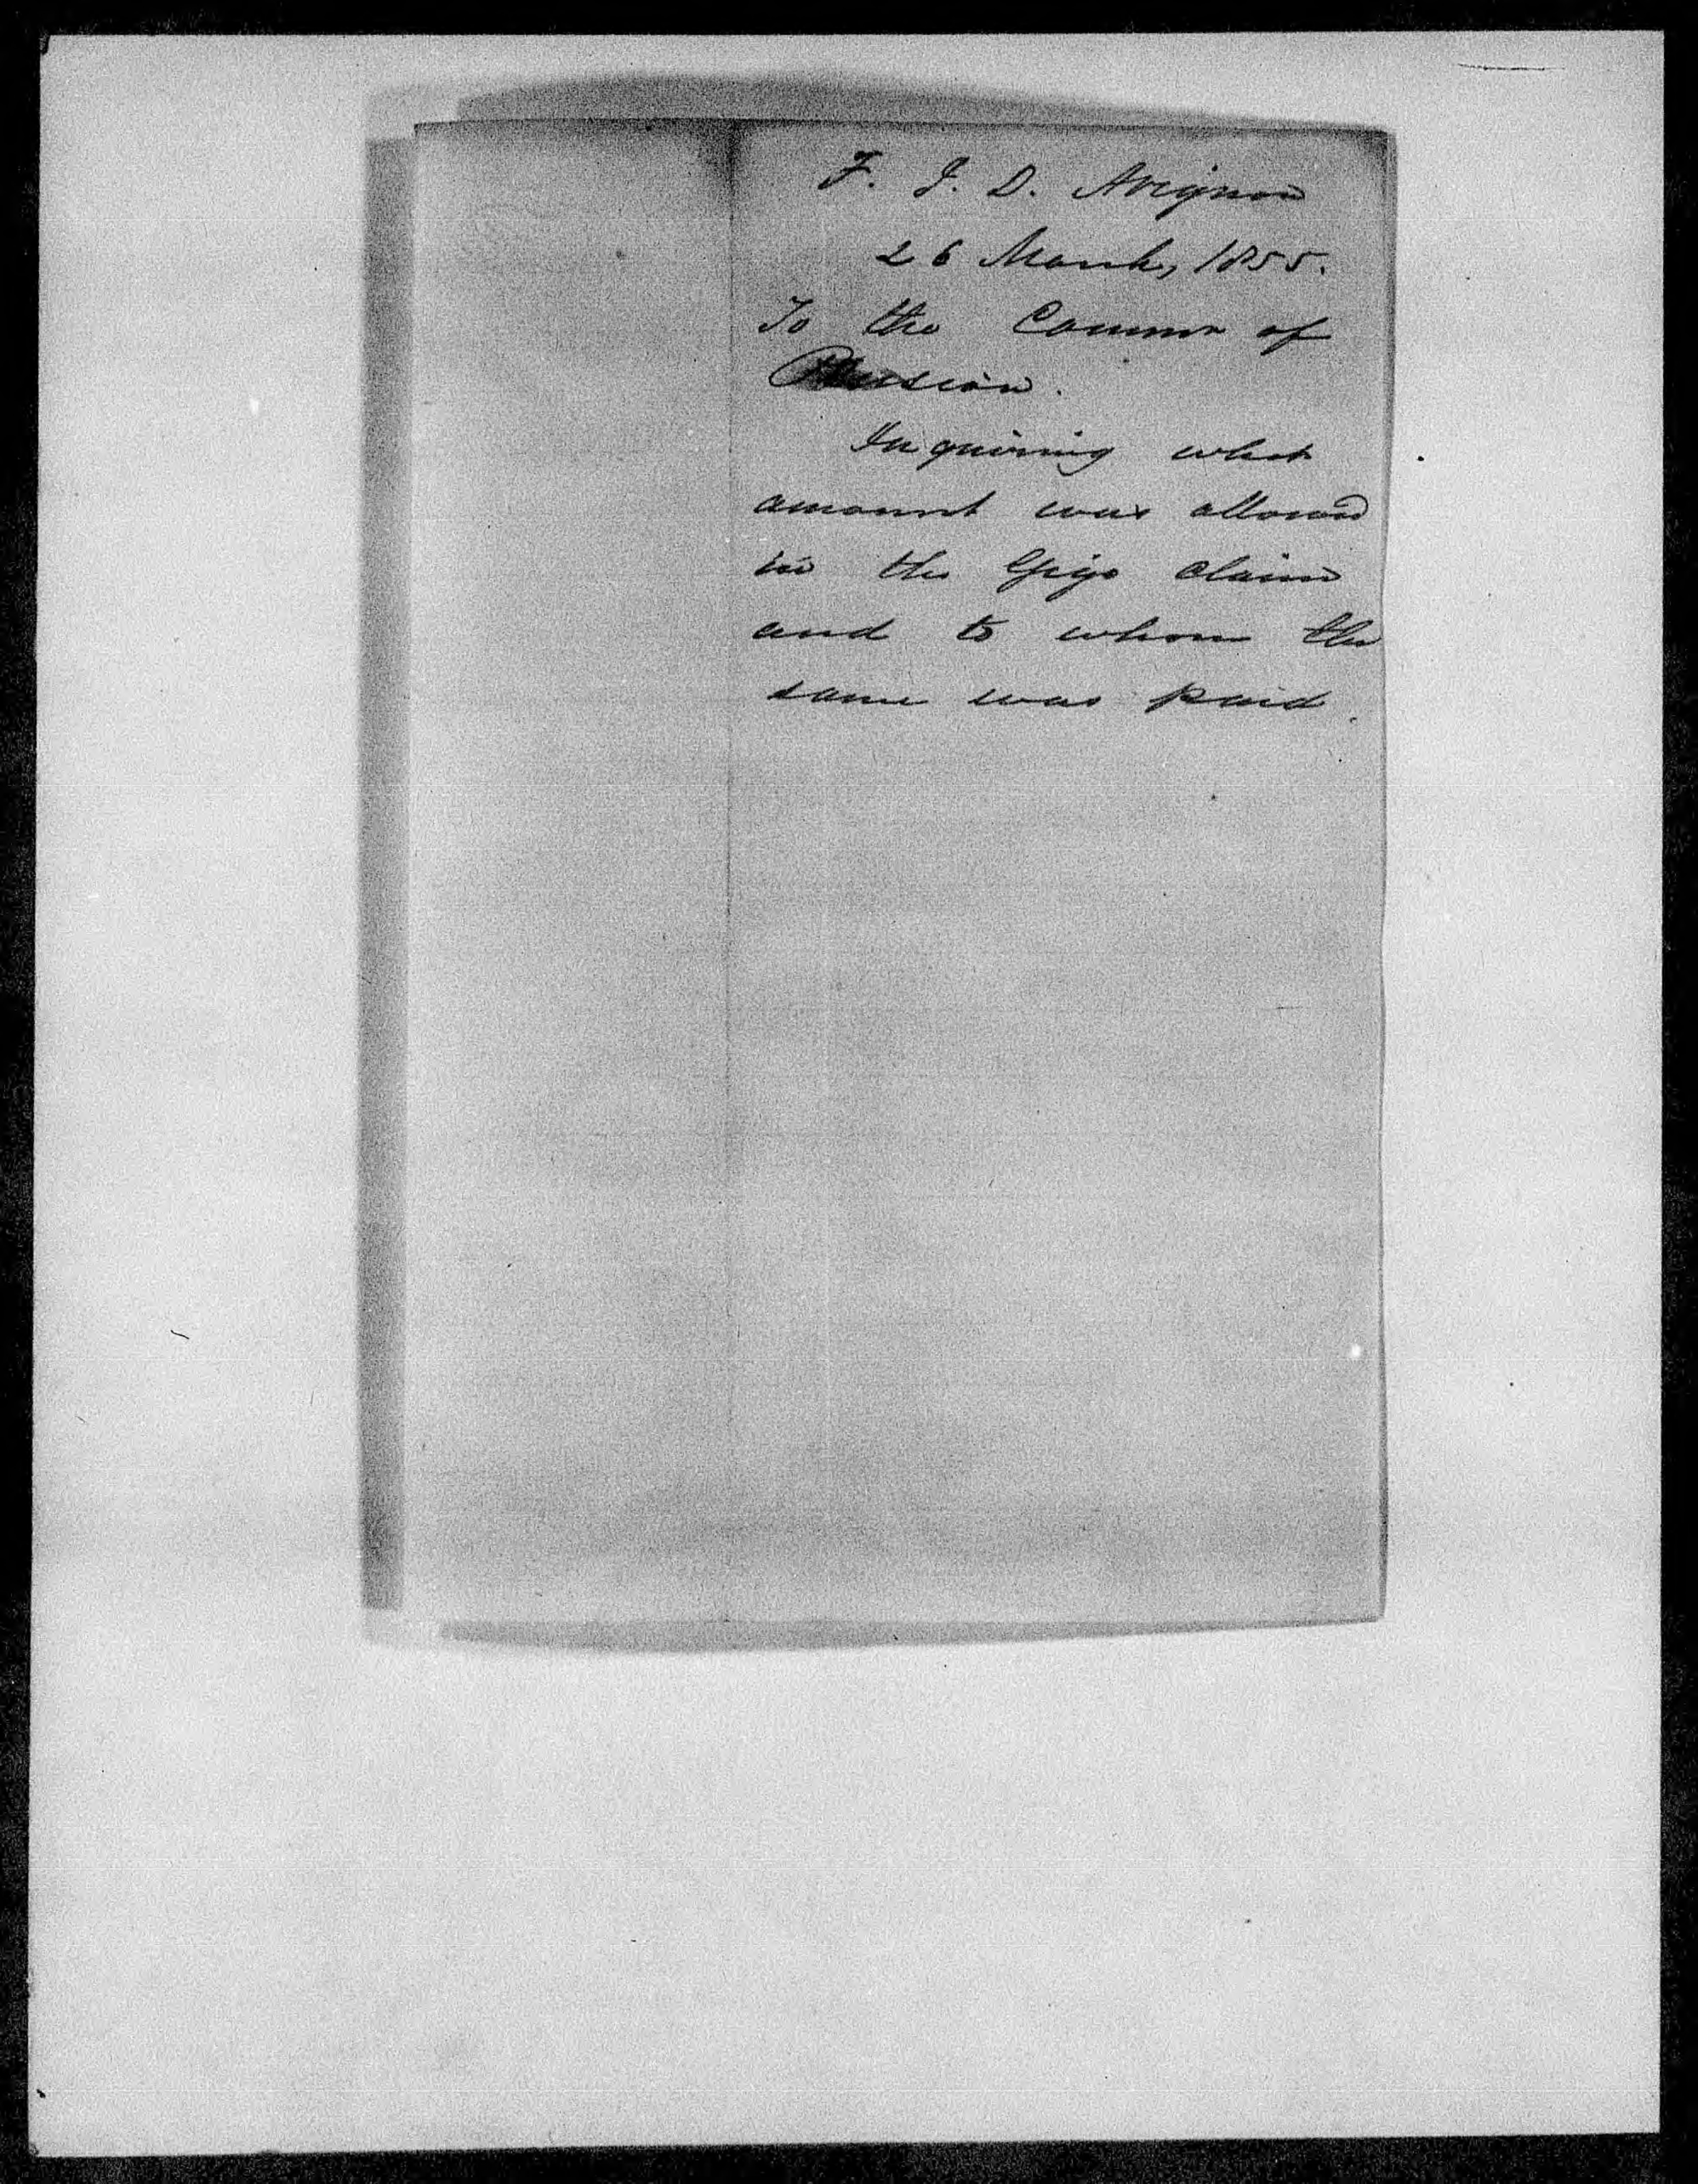F.J.D. Avignon
26 March, 1855.
To the Commr of Pension
In giving what amount was allowed due the Gigo claim and to whom the same was paid.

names: Gigo, F J D Avignon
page: 28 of 98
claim: widow's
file: W. 21182, Francis Gigo, Continental (Canadian)